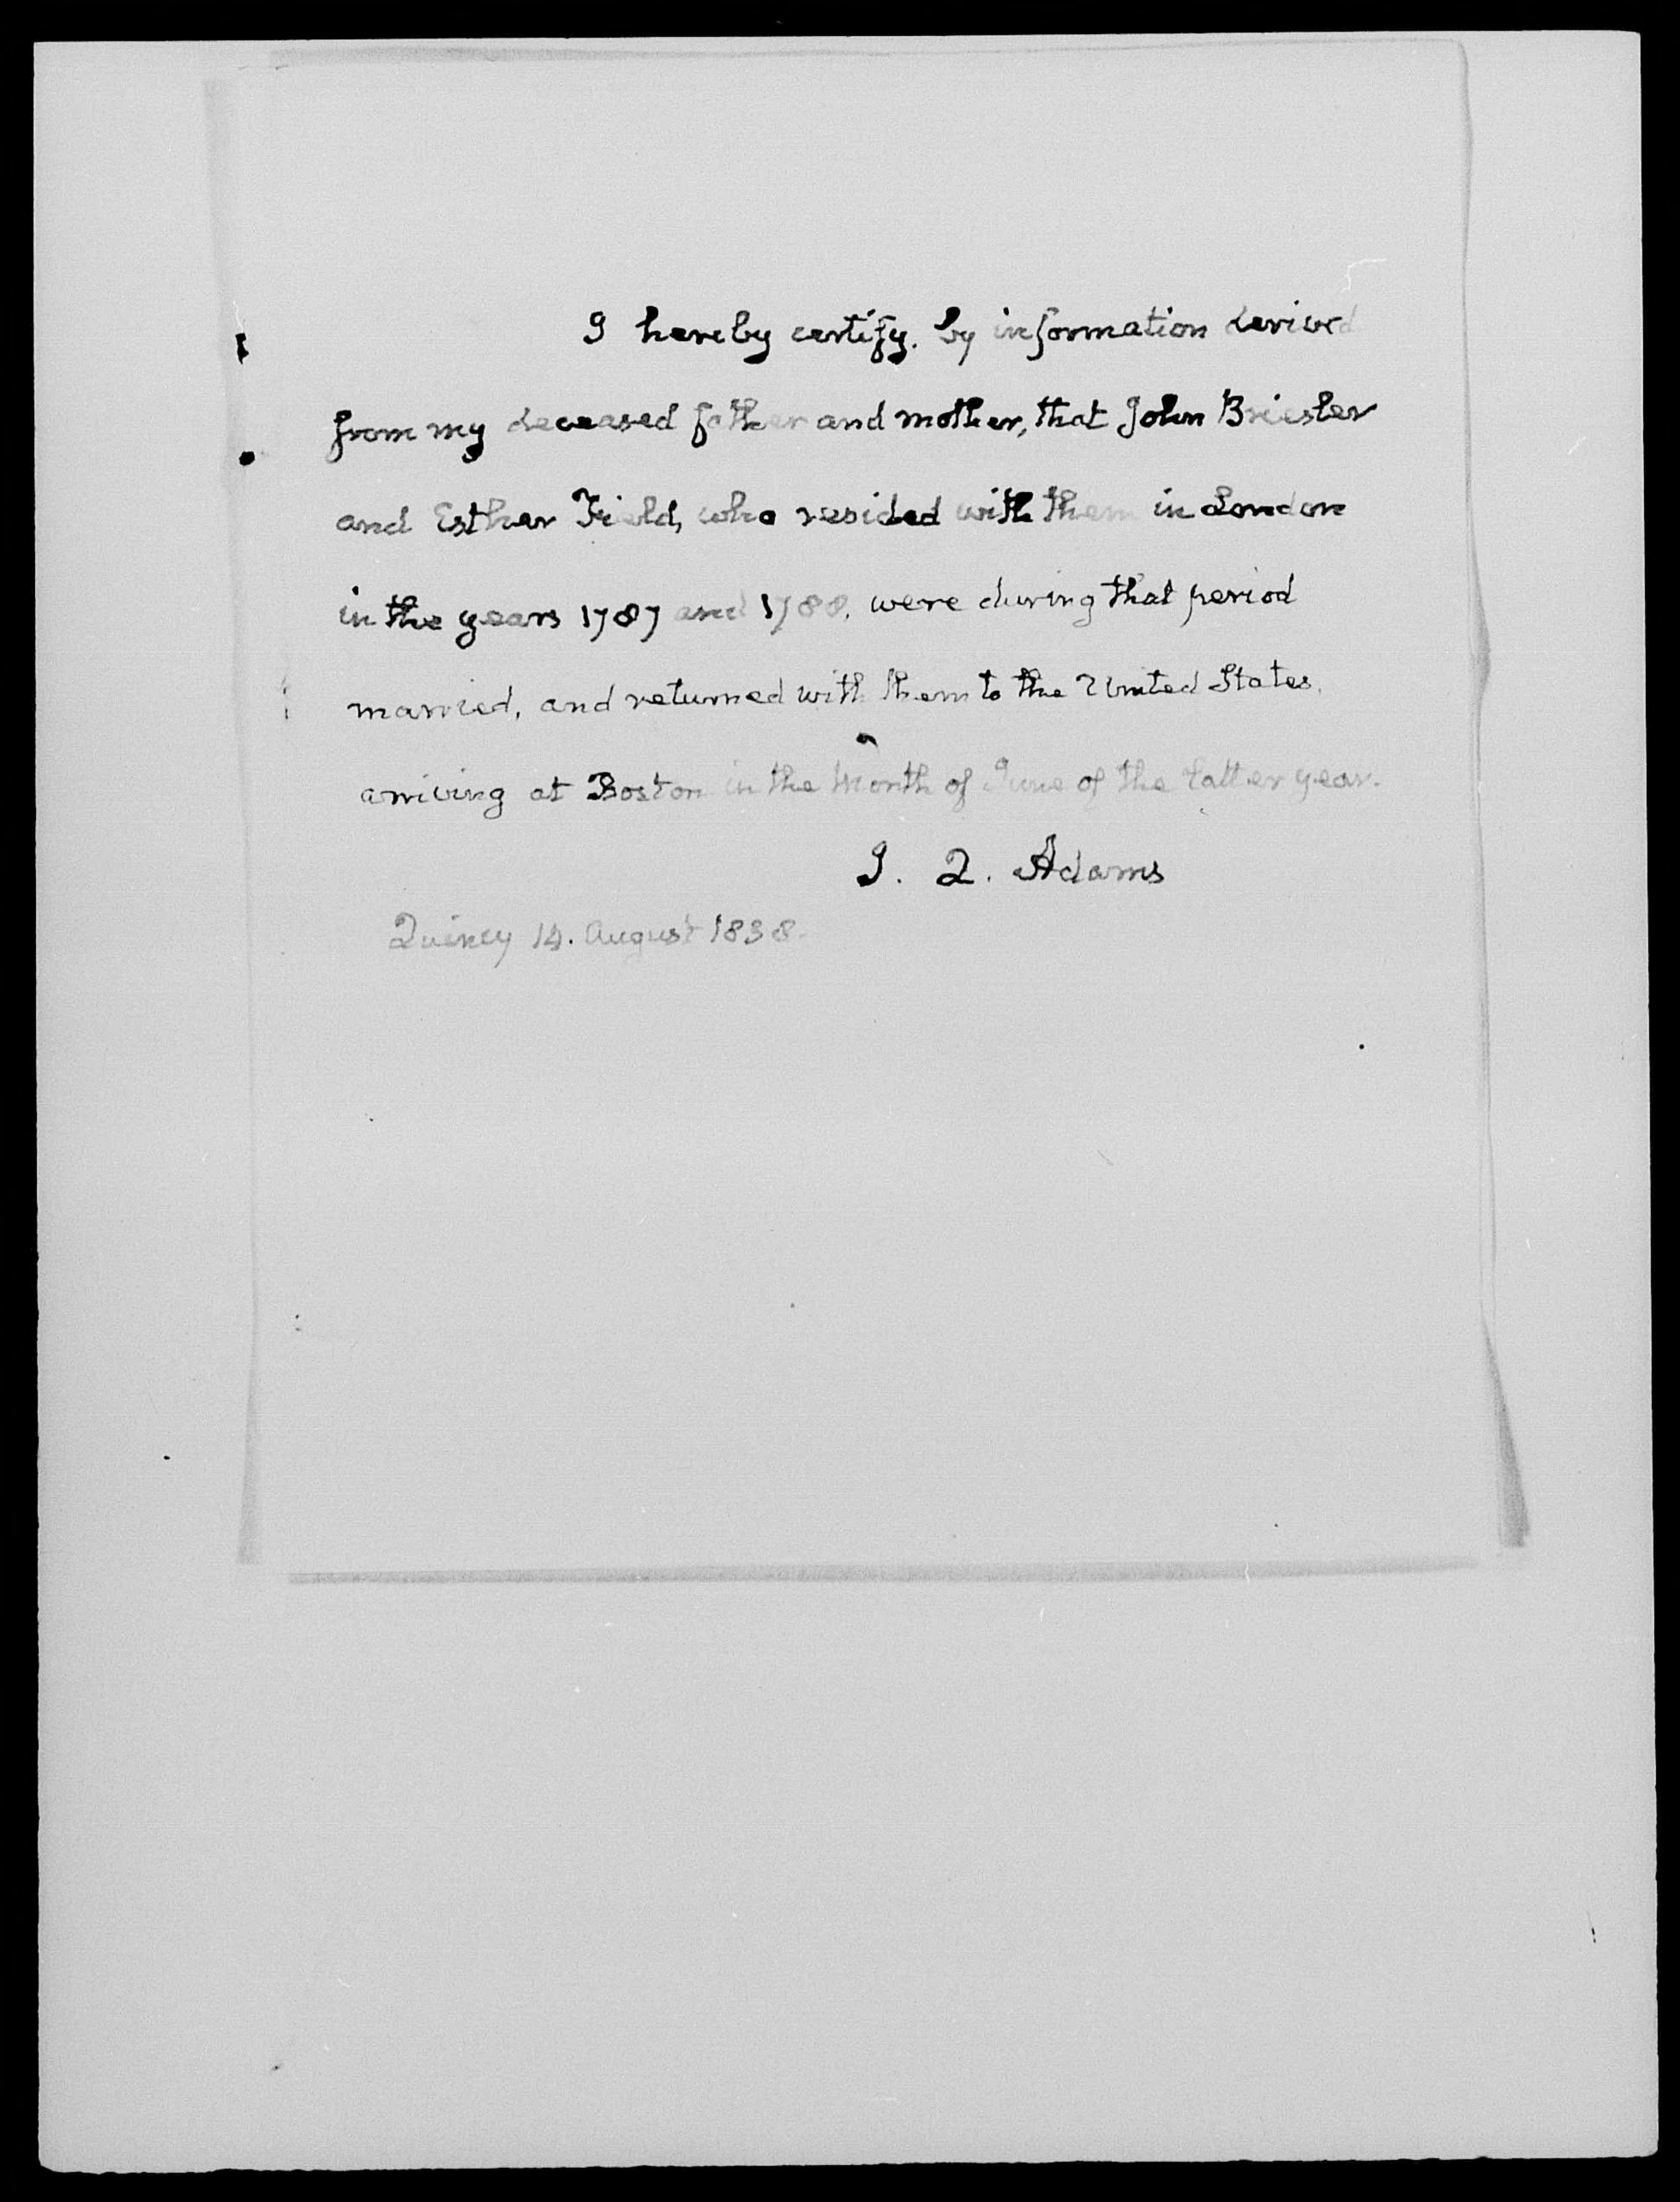I hereby certify by information derived from my deceased father and mother, that John Brisler and Esther Field, who resided with them in London in the 1787 and 1788 were during that period married, and returned with them to the United States arriving at Boston in the month of June of the latter year.  J. Q. Adams  Quincy 14 August 1838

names: J L Adams, John Briesler, Esther Field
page: 10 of 46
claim: widow's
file: W. 23,673, John Brisler, Mass.